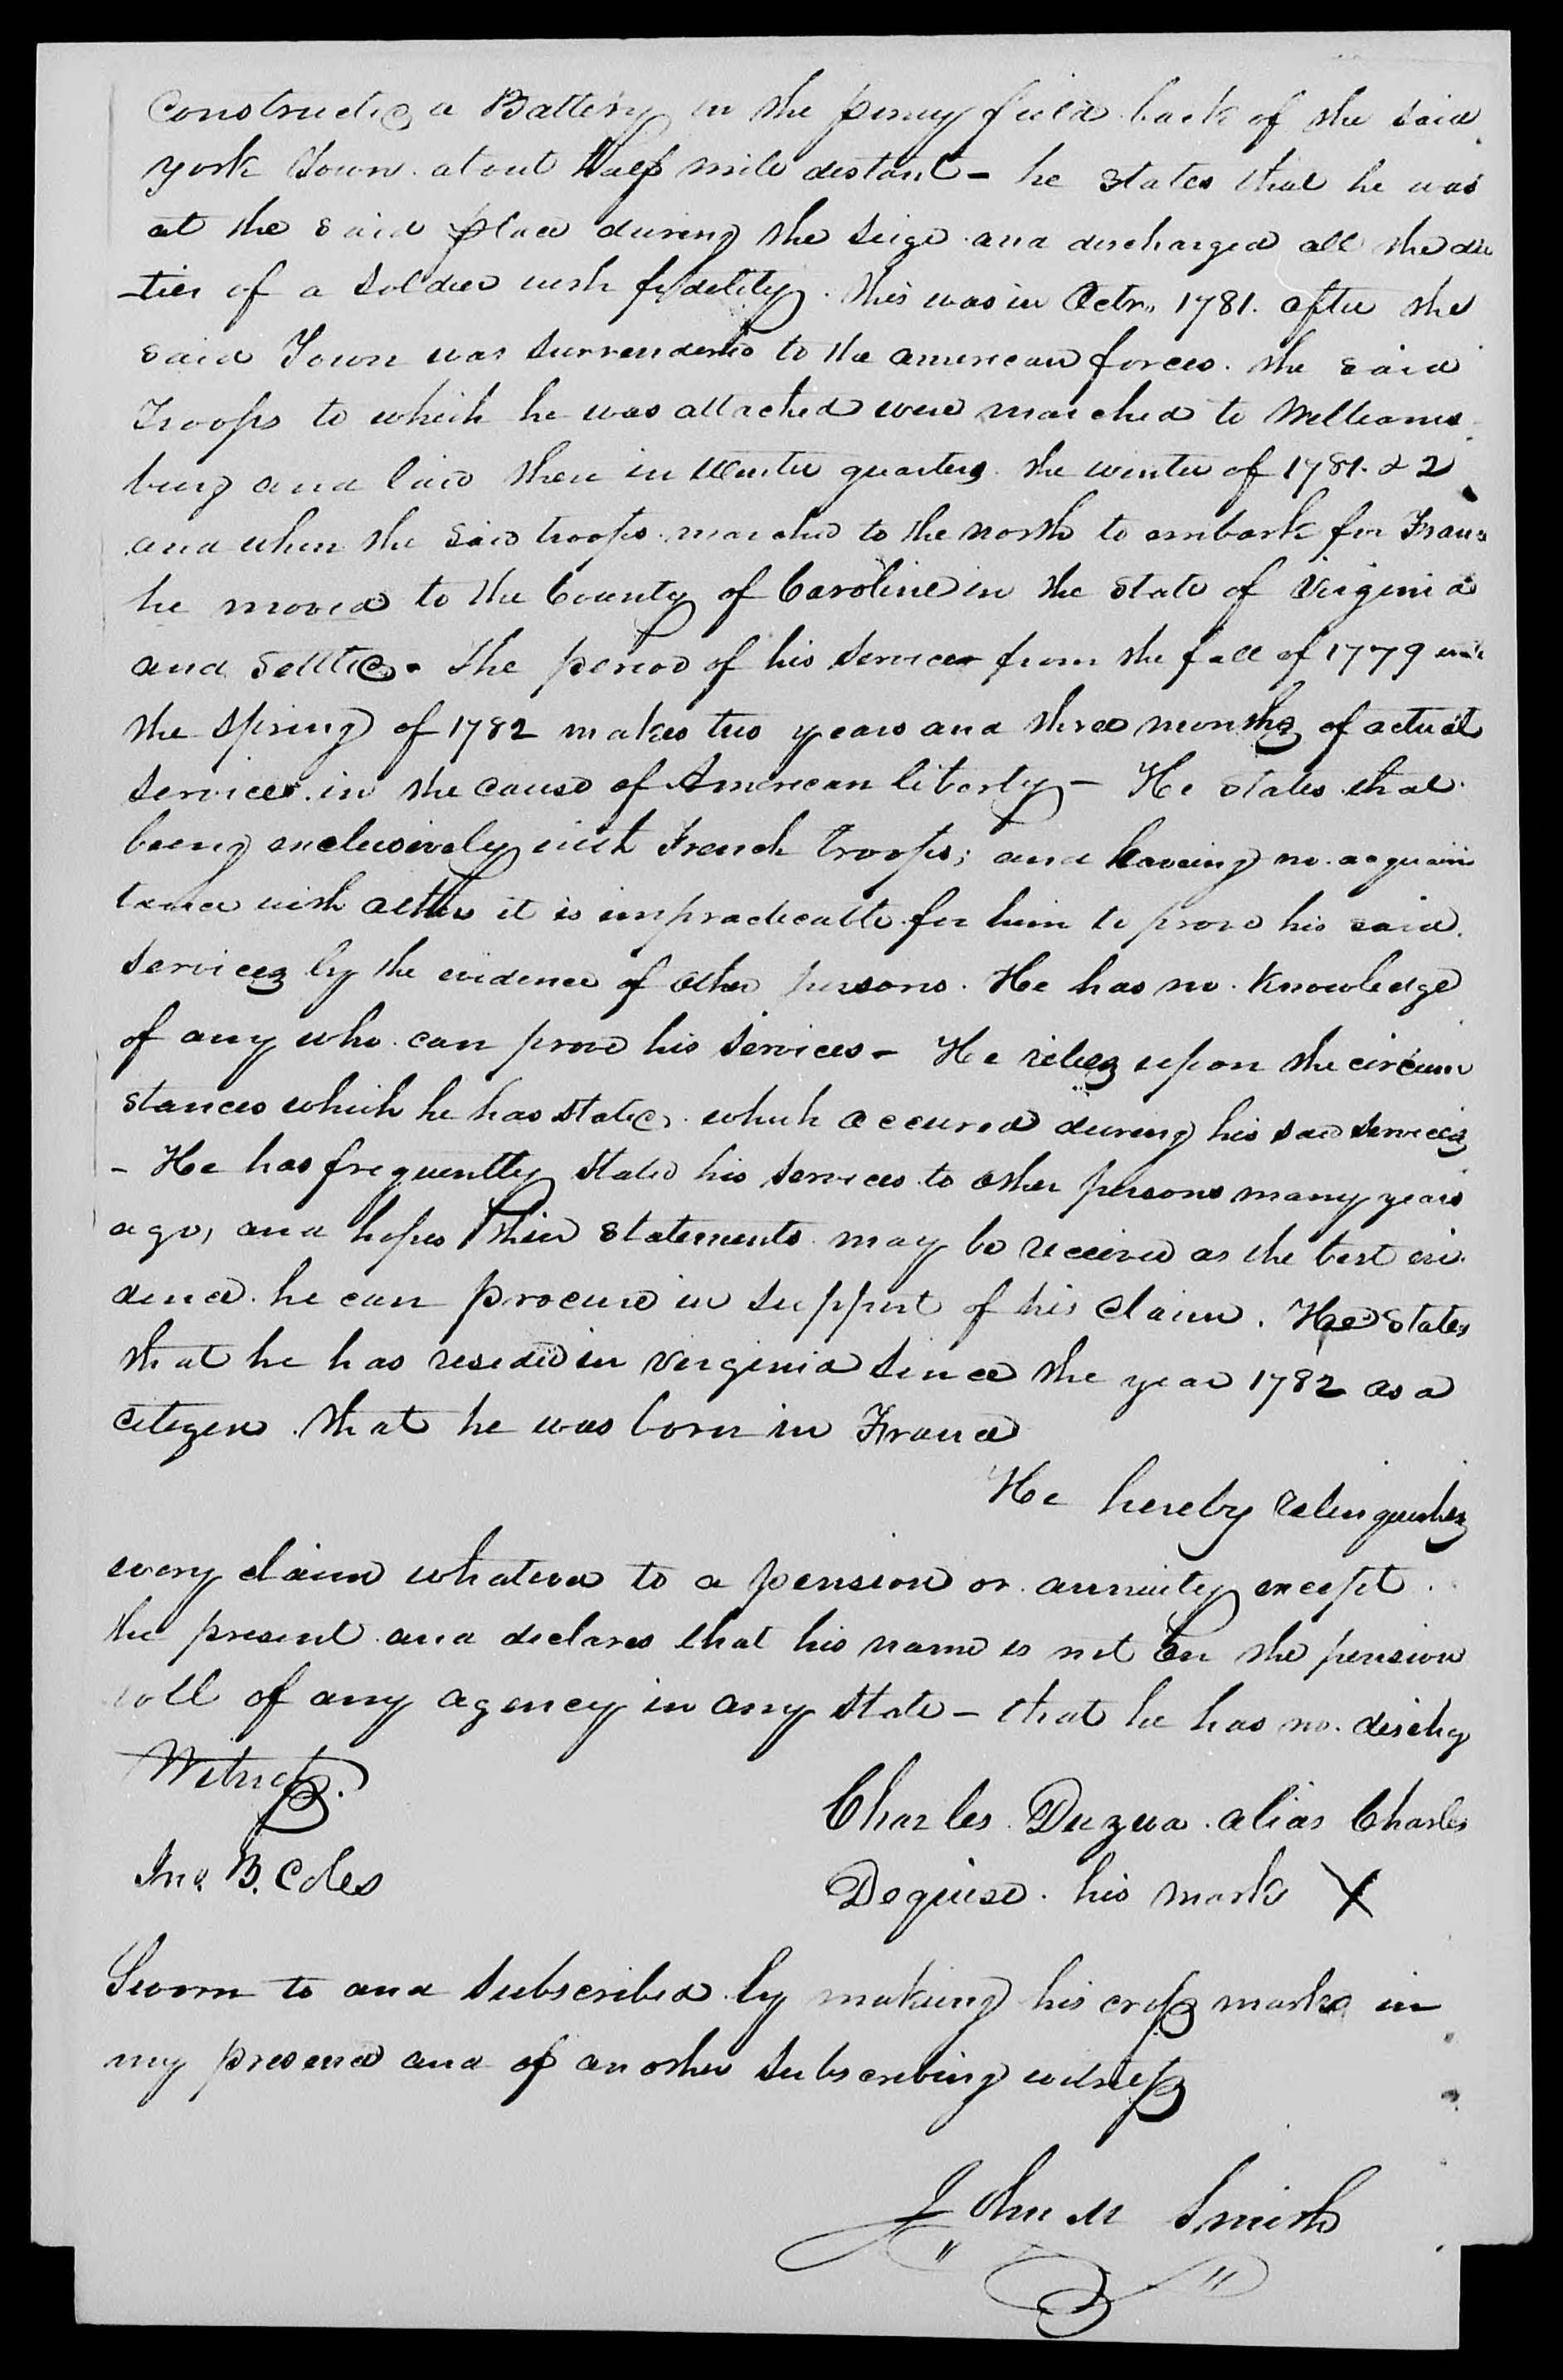constructed a Battery on the piney[?] field back of the said York Town about half mile distant - he states that he was at the said place during the siege and discharged all the duties of a soldier with fidelity.  This was in Octr. 1781 after the said Town was surrendered to the American forces.  The said troops to which he was attached were marched to Williamsburg and laid there in winter quarters the winter of 1781 & 2 and when the said troops marched to the north to embark for France he moved to the County of Caroline in the State of Virginia and settled.  The period of his service from the fall of 1779 into the spring os 1782 makes two years and three months of actual service in the cause of American liberty - He states that being exclusively with French troops; and having no acquaintance with others it is impracticable for him to prove his said services by the evidence of other persons.  He has no knowledge of any who can prove his services - He relies upon the circumstances which he has stated which occurred during his said services - He has frequently stated his services to other persons many years ago, and hopes their statements may be received as the best evidence he can procure in support of his claim.  He states that he has resided in Virginia since the year 1782 as a citizen that he was born in France.
He hereby relinquishes every claim whatever to a pension or annuity except the present and declares that his name is not on the pension roll of any agency in any State - that he has no discharge. 
Charles Duzua alias Charles Dequise his mark X
Witness Jno B. Coles

Sworn to and Subscribed by making his cross mark in my presence and of another subscribing witness
John M. Smith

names: Jno B Coles, John M Smith, Charles Dequise, Charles Duzua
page: 18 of 21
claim: rejected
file: R. 2,896, Charles Duzua, French